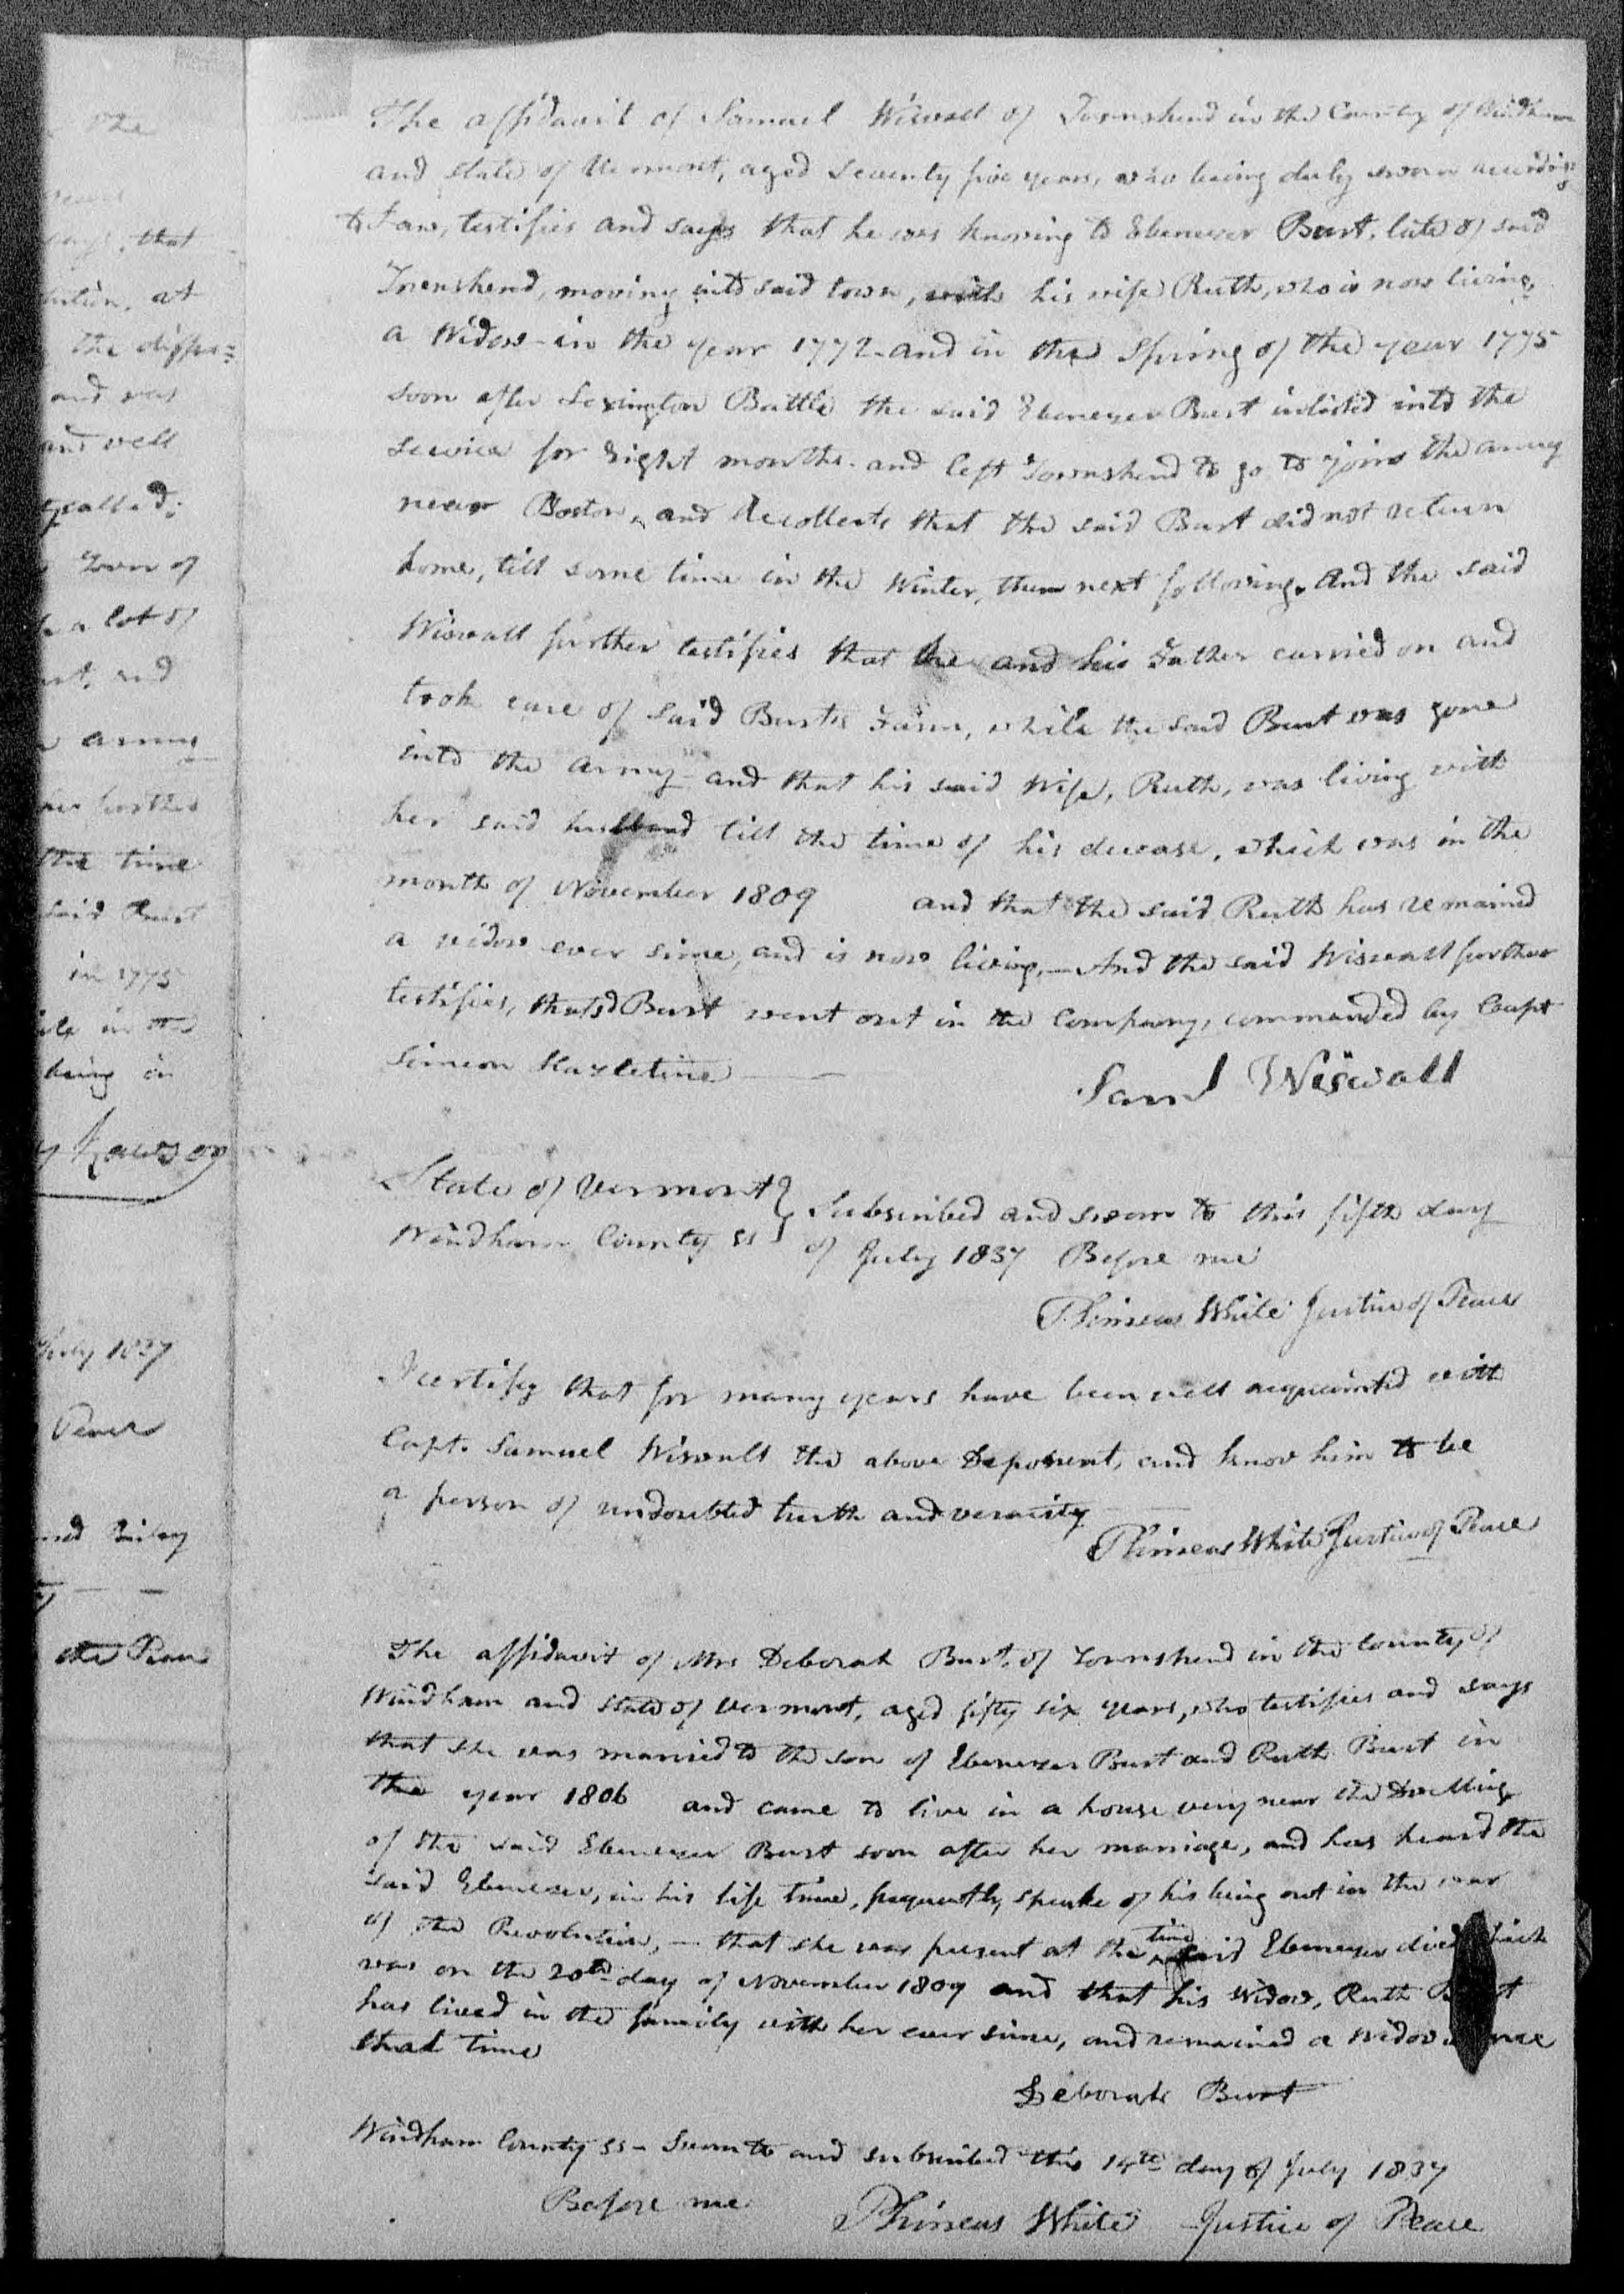The affidavit of Samuel Wiswall of Townshend in the County of Windham and State of Vermont, aged seventy five years, who being duly sworn according to the Law testifies and says that he was knowing to Ebenezer Burt, late of said Townshend, moving into said town, with his wife Ruth, who is now living
a widow in the year 1772. and in the spring of the year 1775 Soon after Lexington Battle the said Ebenezer Burt inlisted (enlisted) into the
service for Eight months, and left Townshend to go to joins the army near Boston, and recollects that the said Burt did not return
home, till some time in the Winter, the next following. And the said Wiswall further testifies that he and his father carried on and
took care of said Burts Farm, while the said Burt was gone into the army - and that his said wife, Ruth, was living with her said husband till the time of his decease, which was in the month of November 1809 and that the said Ruth has remained a widow ever since, and is now living, - And the said Wiswall further
testifies, that sd Burt went out in the company, commanded by Capt Simeon Hazletine -
Sam Wiswall

State of Vermont
Windham County ss⎬ Subscribed and sworn to this fifth day of July 1837 Before me
Phineas White Justice of Peace

I certify that for many years have been well acquainted with Capt. Samuel Wiswall the above Deponent, and know him to be a person of undoubted truth and veracity
Phineas White Justice of Peace

The affidavit of Mrs Deborah Burt of Townshend in the County of Windham and State of Vermont, aged fifty six years, who testifies and says that she was married to the son of Ebenezer Burt and Ruth Burt in the year 1806 and came to live in a house very near the dwelling of the said Ebenezer Burt soon after her marriage, and has heard the said Ebenezer, in his life time, frequently speak of his being out in the war of the Revolution, -that she was present at the time said Ebenezer died which was on the 20th day of November 1809 and that his widow, Ruth Burt has lived in the family with her ever since, and remained a widow since that time
Deborah Burt

Windham County ss - Sworn to and subscribed this 14th day of July 1837
Before me
Phineas White Justice of Peace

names: Burt, Saml Wiswall, Ebenezer, Samuel Wiswall, Samuel Wiswall, Ruth, Phineas White, Ruth Burt, Ruth Burt, Phineas White, Wiswall, Ebenezer Burt, Burt, Deborah Burt, Wiswall, Ruth, Ebenezer Burt, Ebenezer Burt, Ruth, Phineas White, Deborah Burt, Ebenezer, Ebenezer Burt, Burt, Simeon Hazletine, Burt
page: 12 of 17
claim: widow's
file: W. 20809, Ebenezer Burt, Mass.